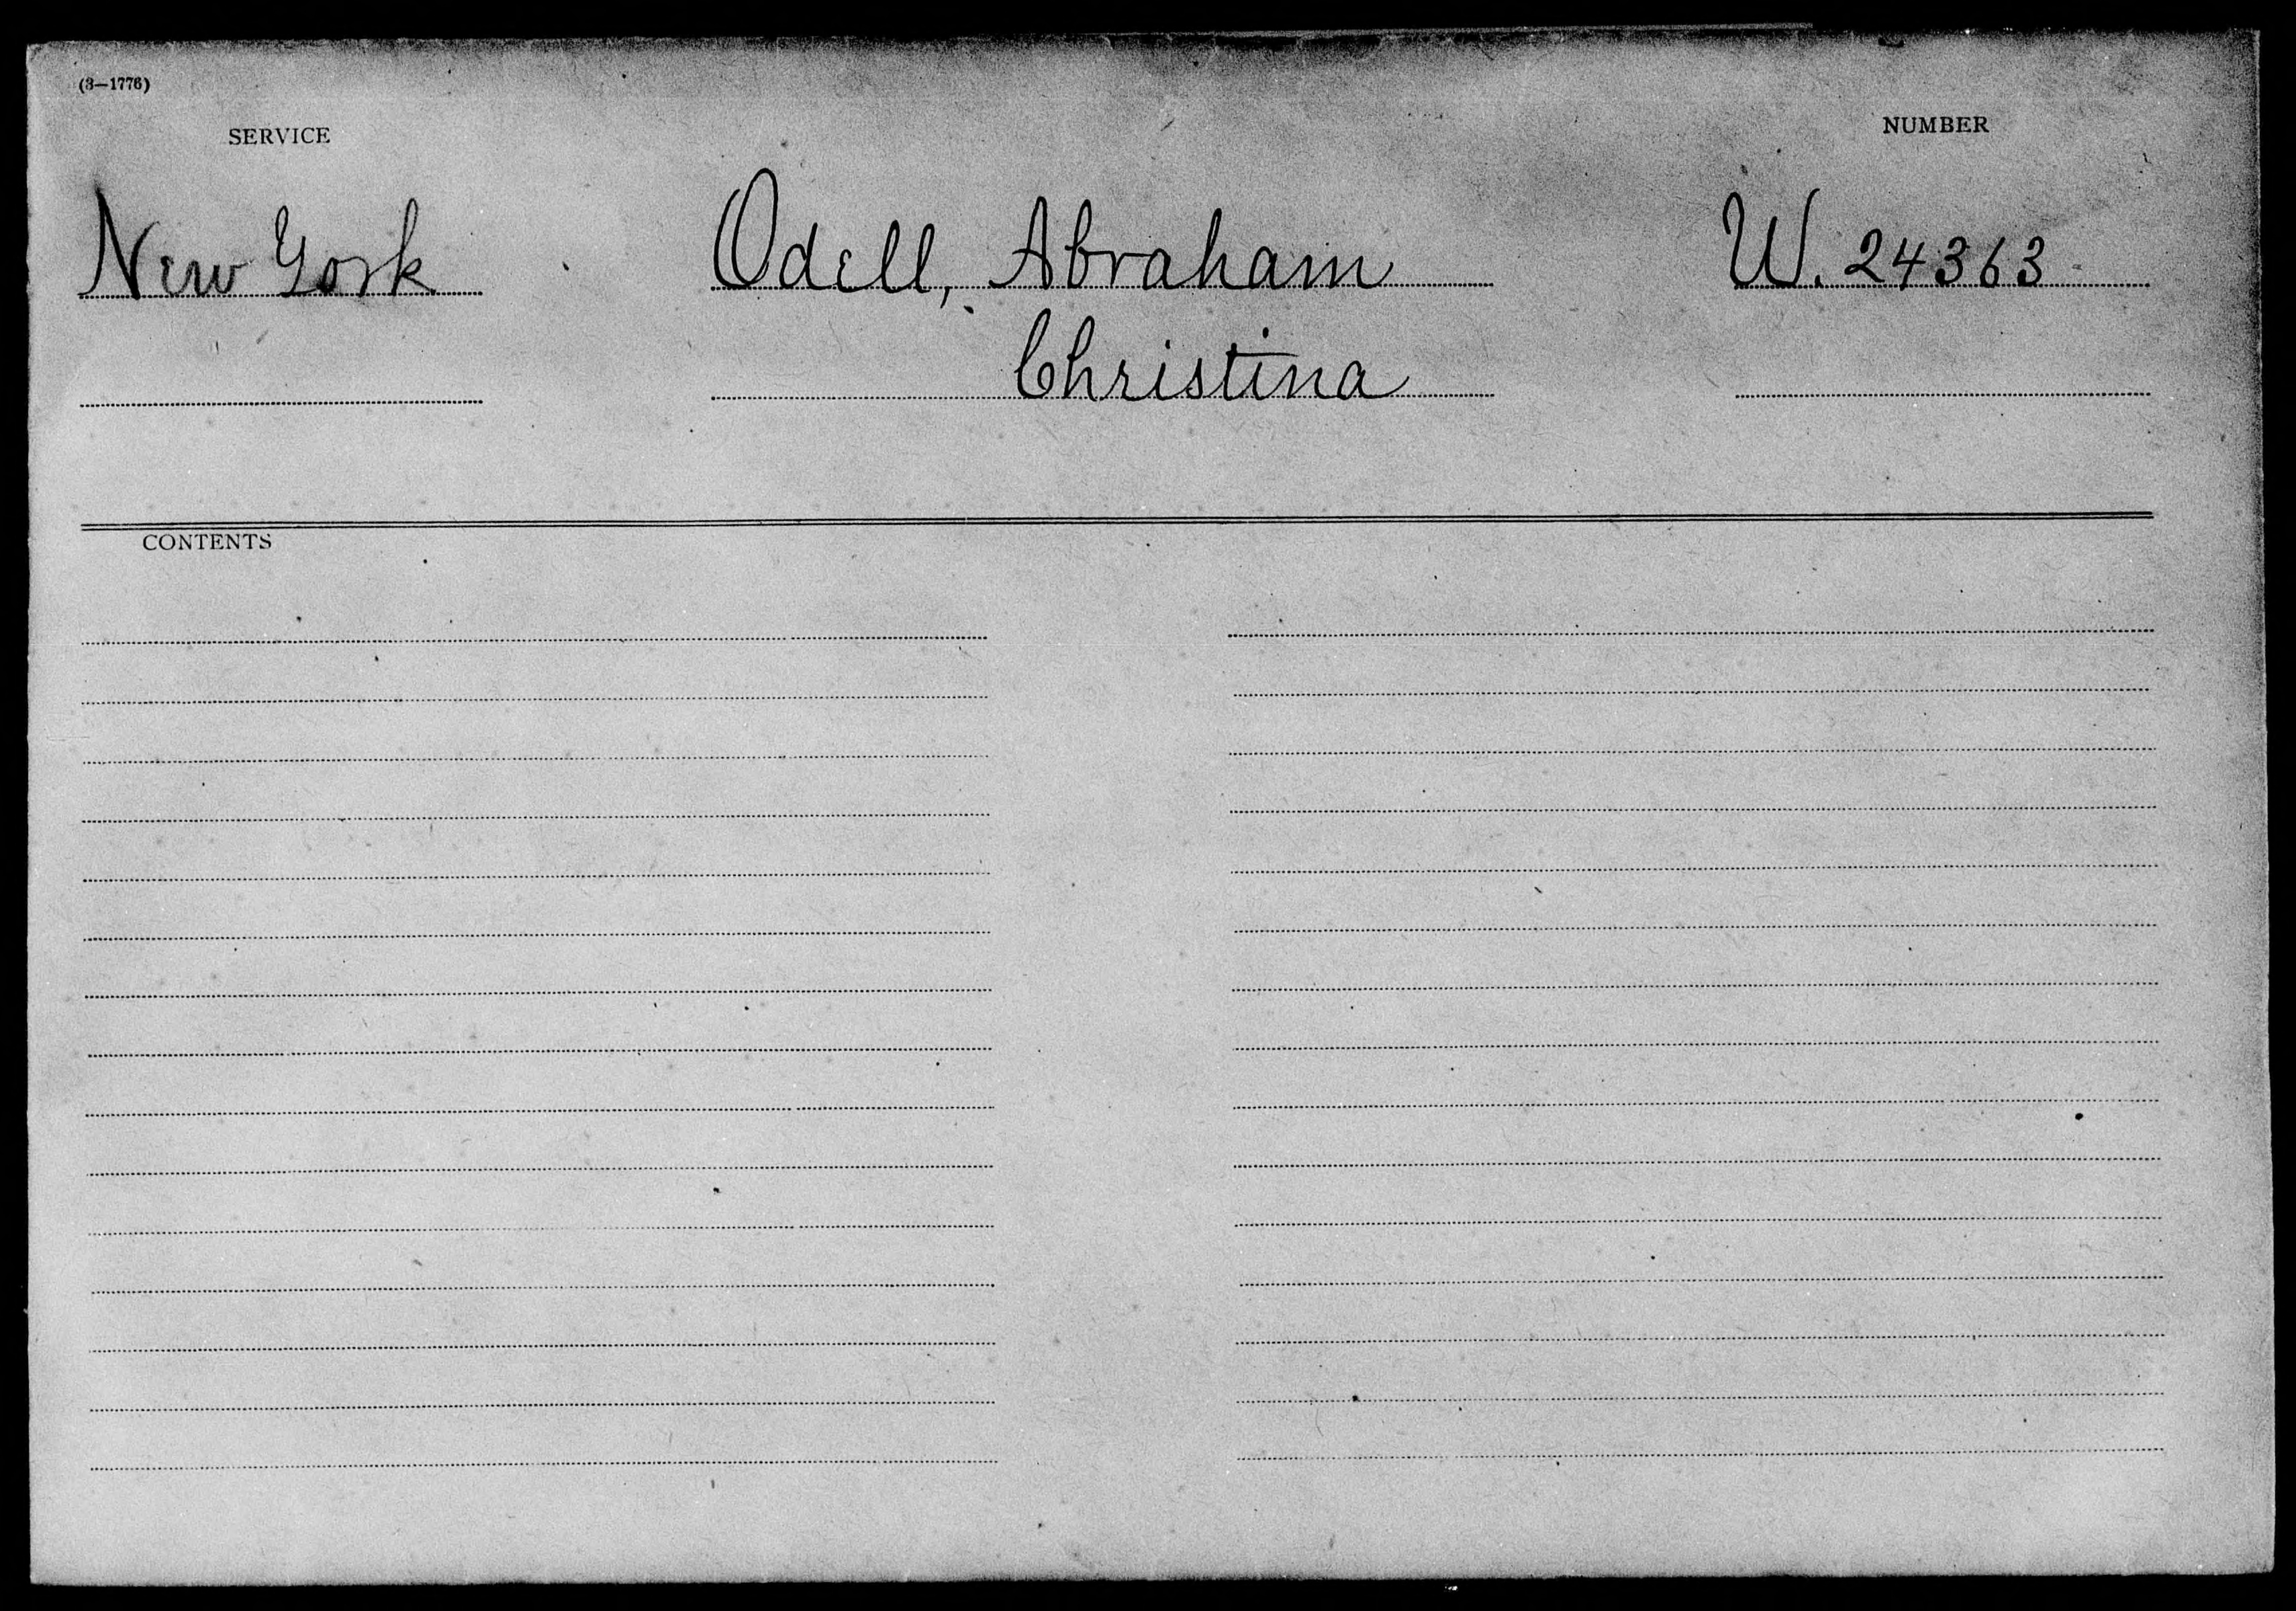(3--1776)
SERVICE  New York Odell, Abraham 
Christina
NUMBER W. 24363
CONTENTS [section empty]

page: 1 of 19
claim: widow's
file: W. 24363, for Abraham Odell, New York